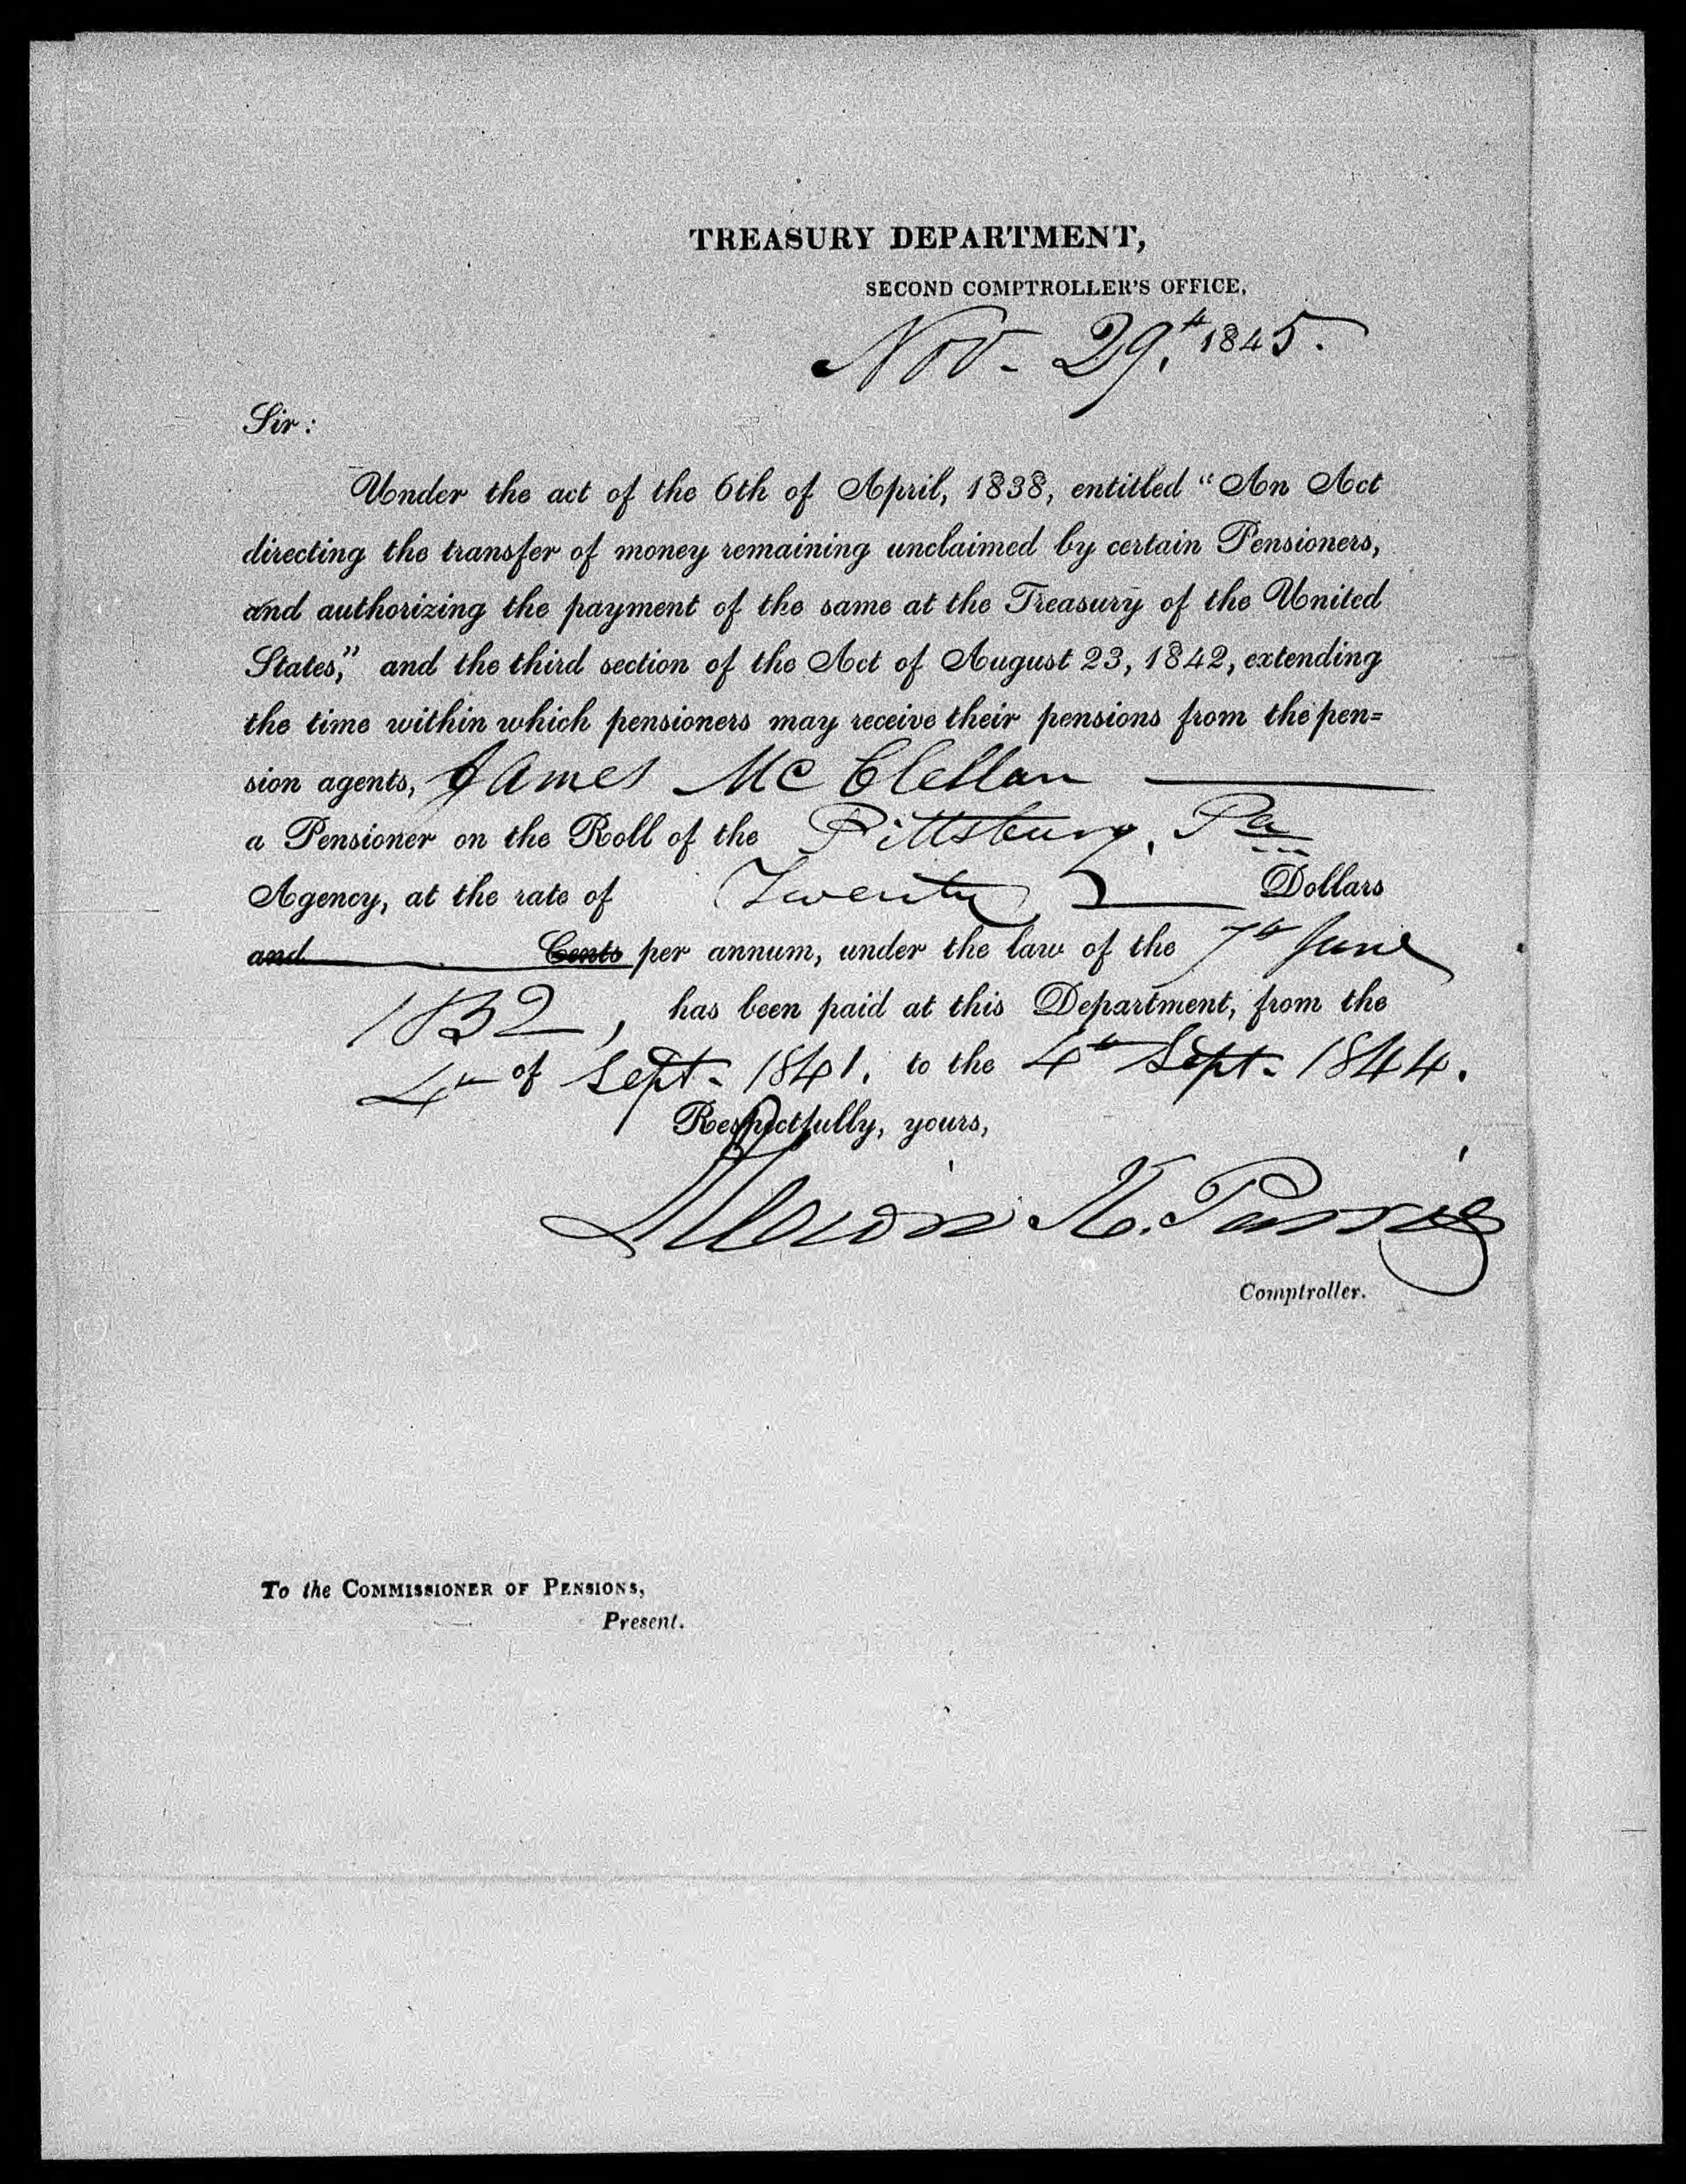TREASURY DEPARTMENT
Second Comptroller's Office
Nov 29th, 1845

Sir:

Under the act of the 6th of April, 1838, entitled "An act directing the transfer of money remaining unclaimed by certain Pensioners, and authorizing the payment of the same at the Treasury of the United States" and the 3d section of the Act of August 23, 1842, extending the time within whith pensioners may receive their pensions from the pension agents, James McClellan a Pensioner on the Roll of the Pittsburgh Pa Agency, at the rate of Twenty Dollars and no Cents per annum, under the law of the 7th June 1832, has been paid at this Department, from the 4th of Sept 1841 to the 4th Sept 1844

Respectfully, yours 

Albion K. Parris 
Comptroller

To The Commissioner of Pensions, Present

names: James Mc Clellan; Albion K Parris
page: 13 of 16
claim: survivor's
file: S. 2764, for James Mc Clellan, Pennsylvania